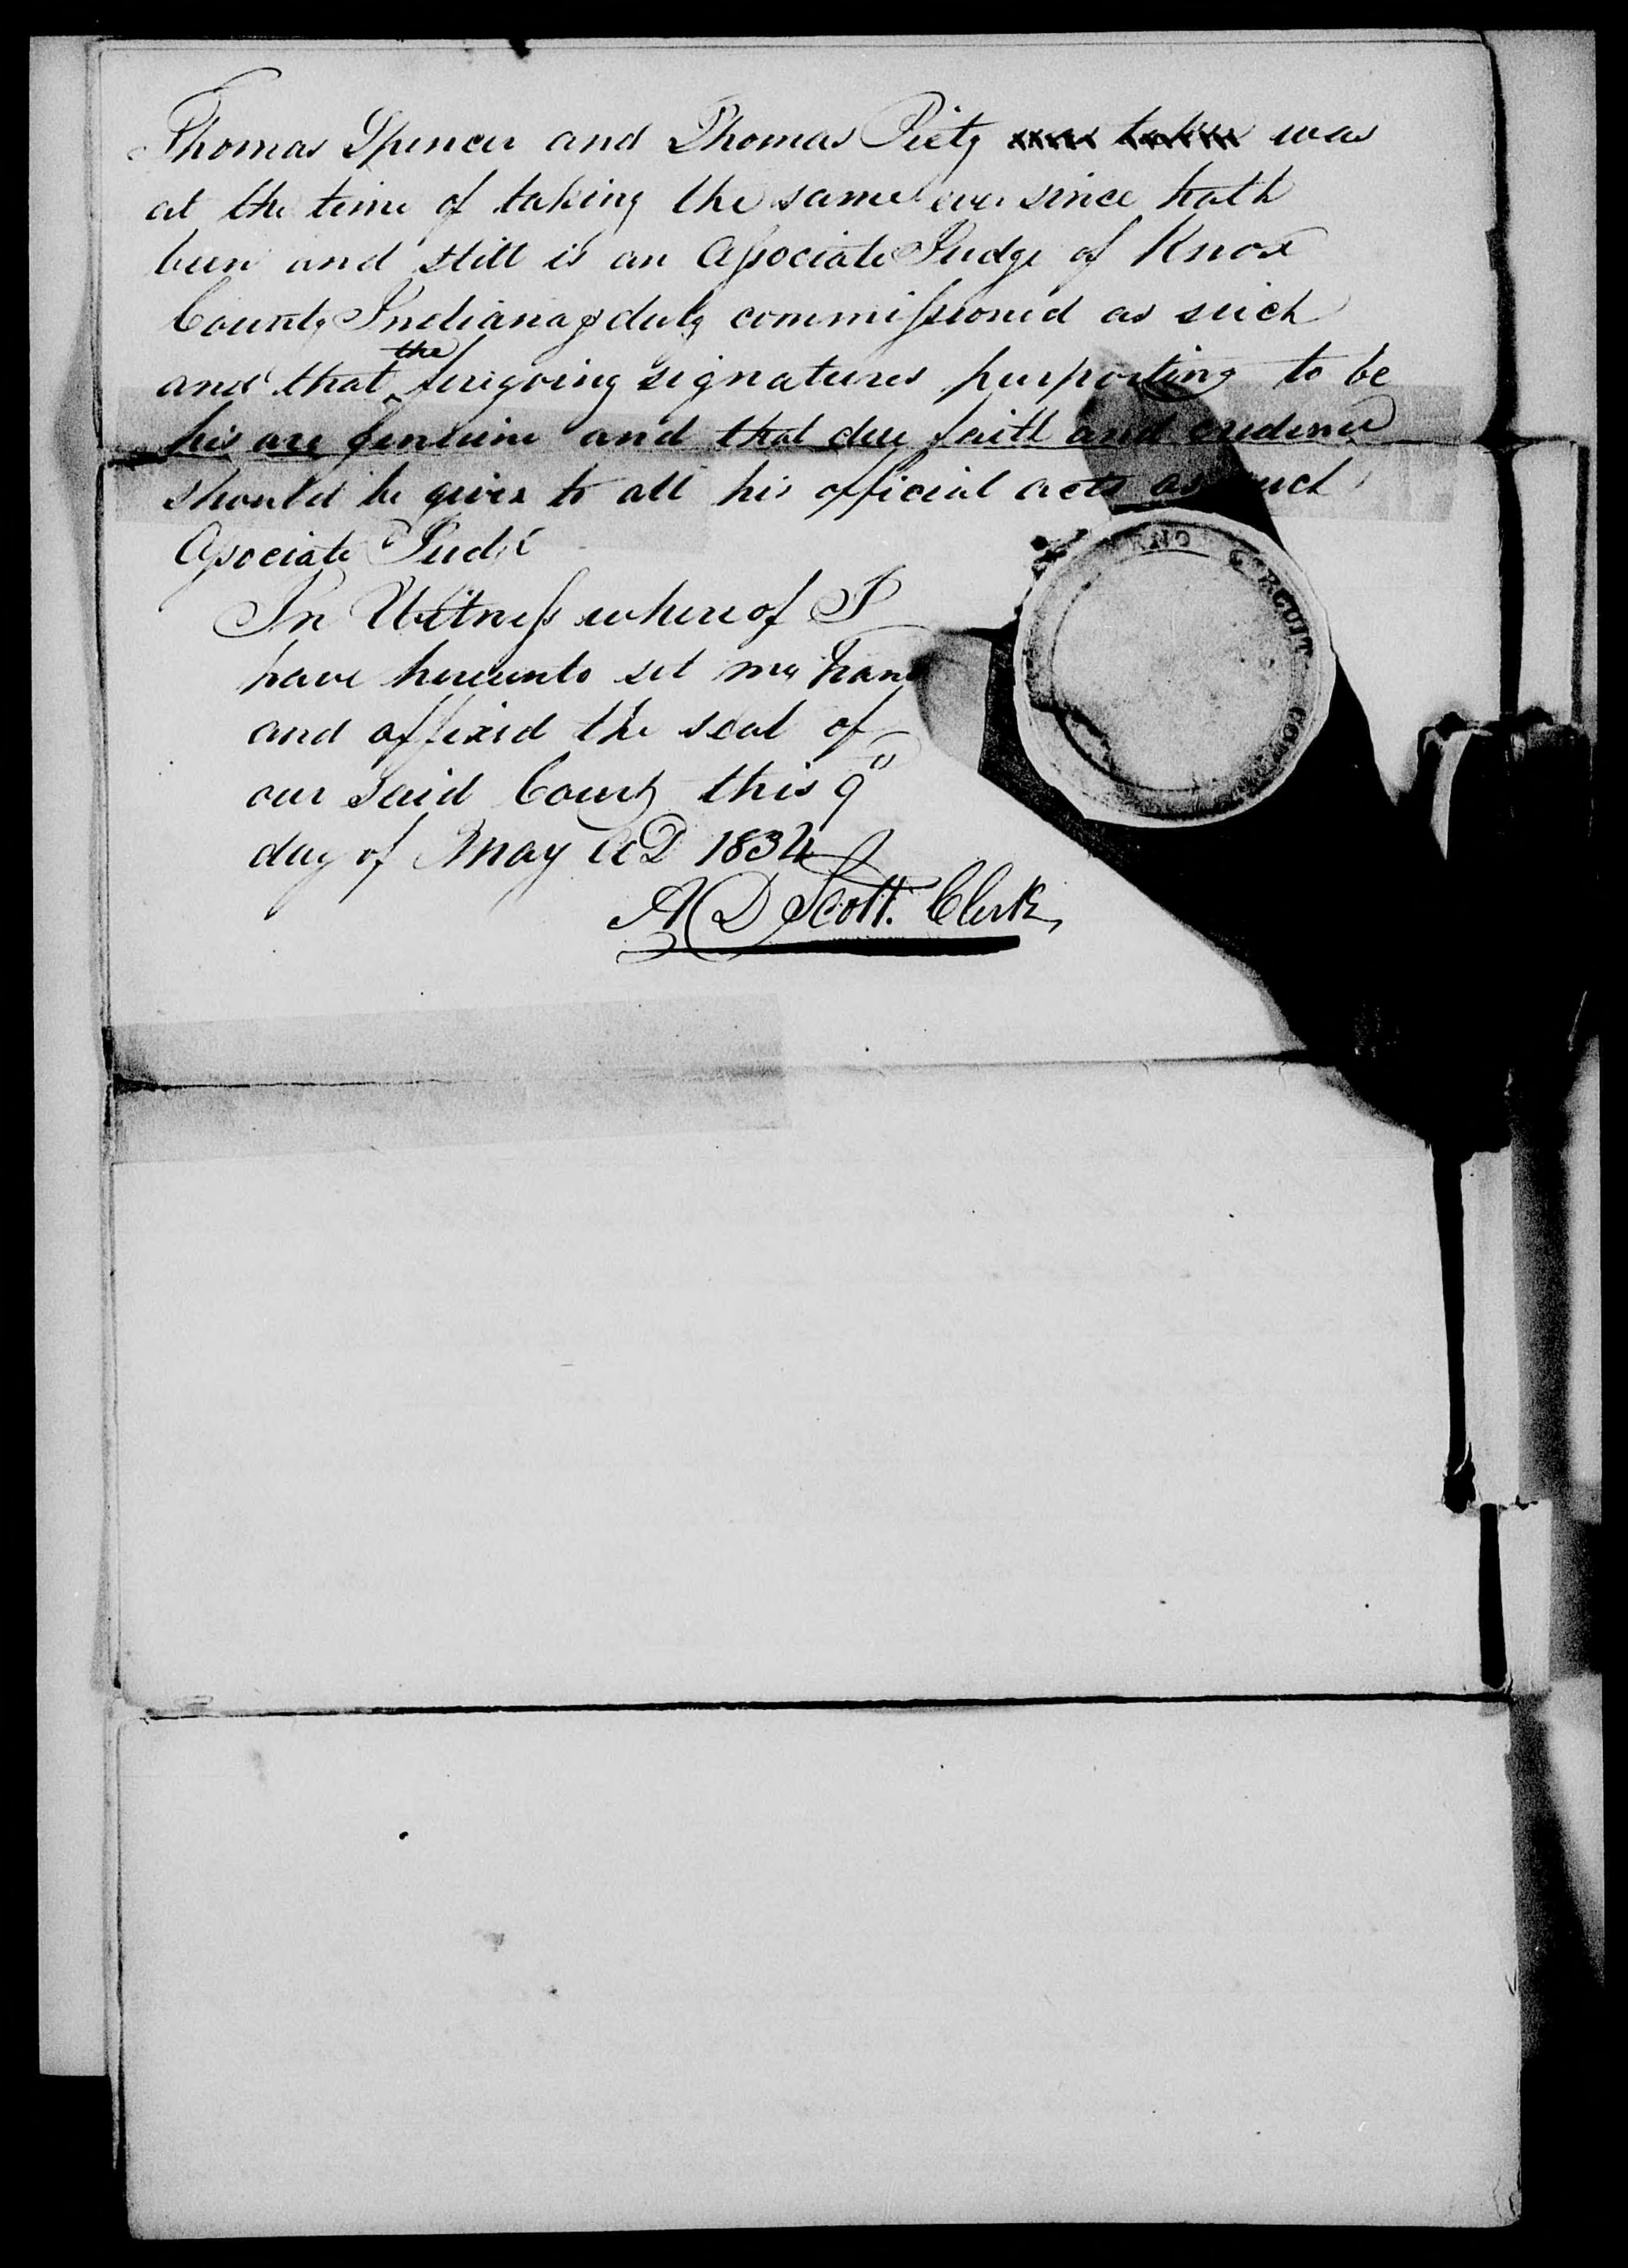Thomas Spencer and Thomas Piety was at the time of taking the same ever since hath been and still is an Associate Judge of Knox County Indiana, duly commissioned as such and that the foregoing signatures purporting to be his are genuine and that clear faith and evidence should be given to all his official acts as such.

Associate Judge
Circuit Court

In Witness whereof I have herwith set my hand and affixed the seal of our Said County this 9th day of May AD 1834

A D Scott, Clerk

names: Thomas Spencer; A D Scott; Thomas Piety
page: 9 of 21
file: Old War Inv. File 26332, for John Parker, Other